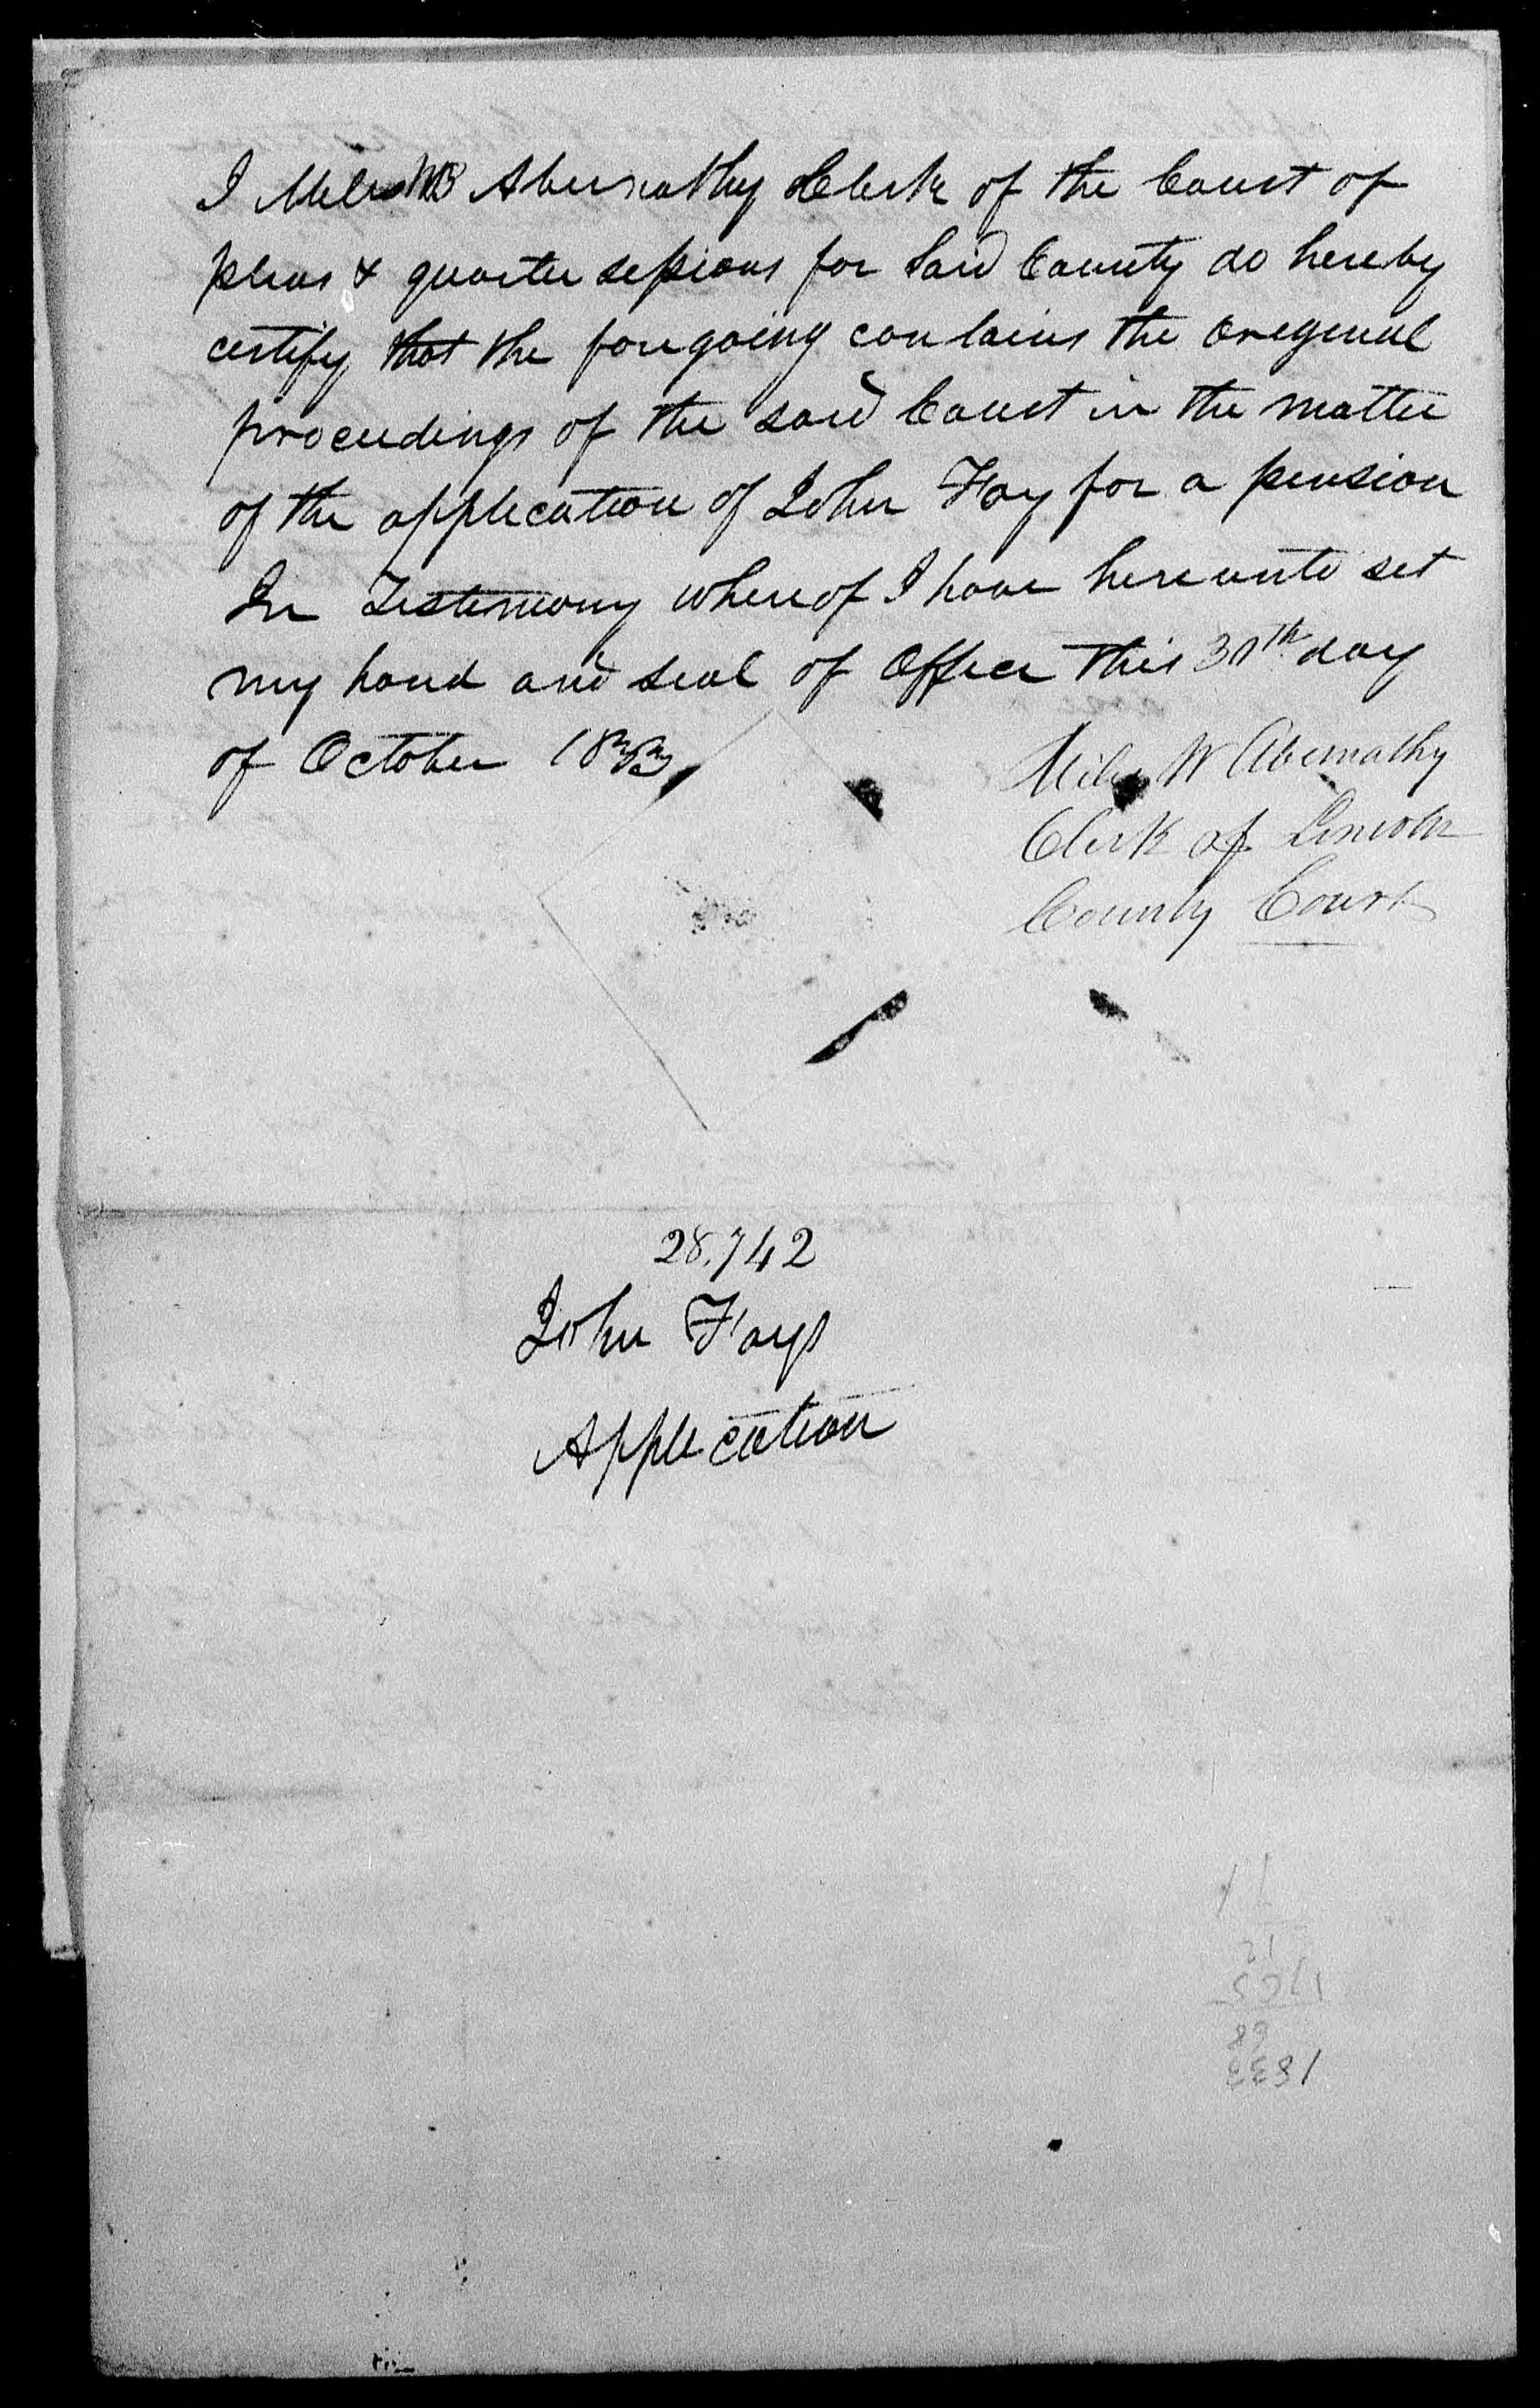I Miles Abernathy Clerk of the Court of Pleas + quarter seßions [sharp s--double s] for Said County do hereby certify that the foregoing contains the original proceedings of the said Court in the matter of the application of John Foy for a pension In Testimony whereof I have hereunto set my hand and seal of Office this 30th day of October 1843

Miles W Abernathy
Clerk of Lincoln County Court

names: Miles W Abernathy, Miles W Abernathy, John Foy, John Foy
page: 5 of 11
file: R., John Foy, New Jersey